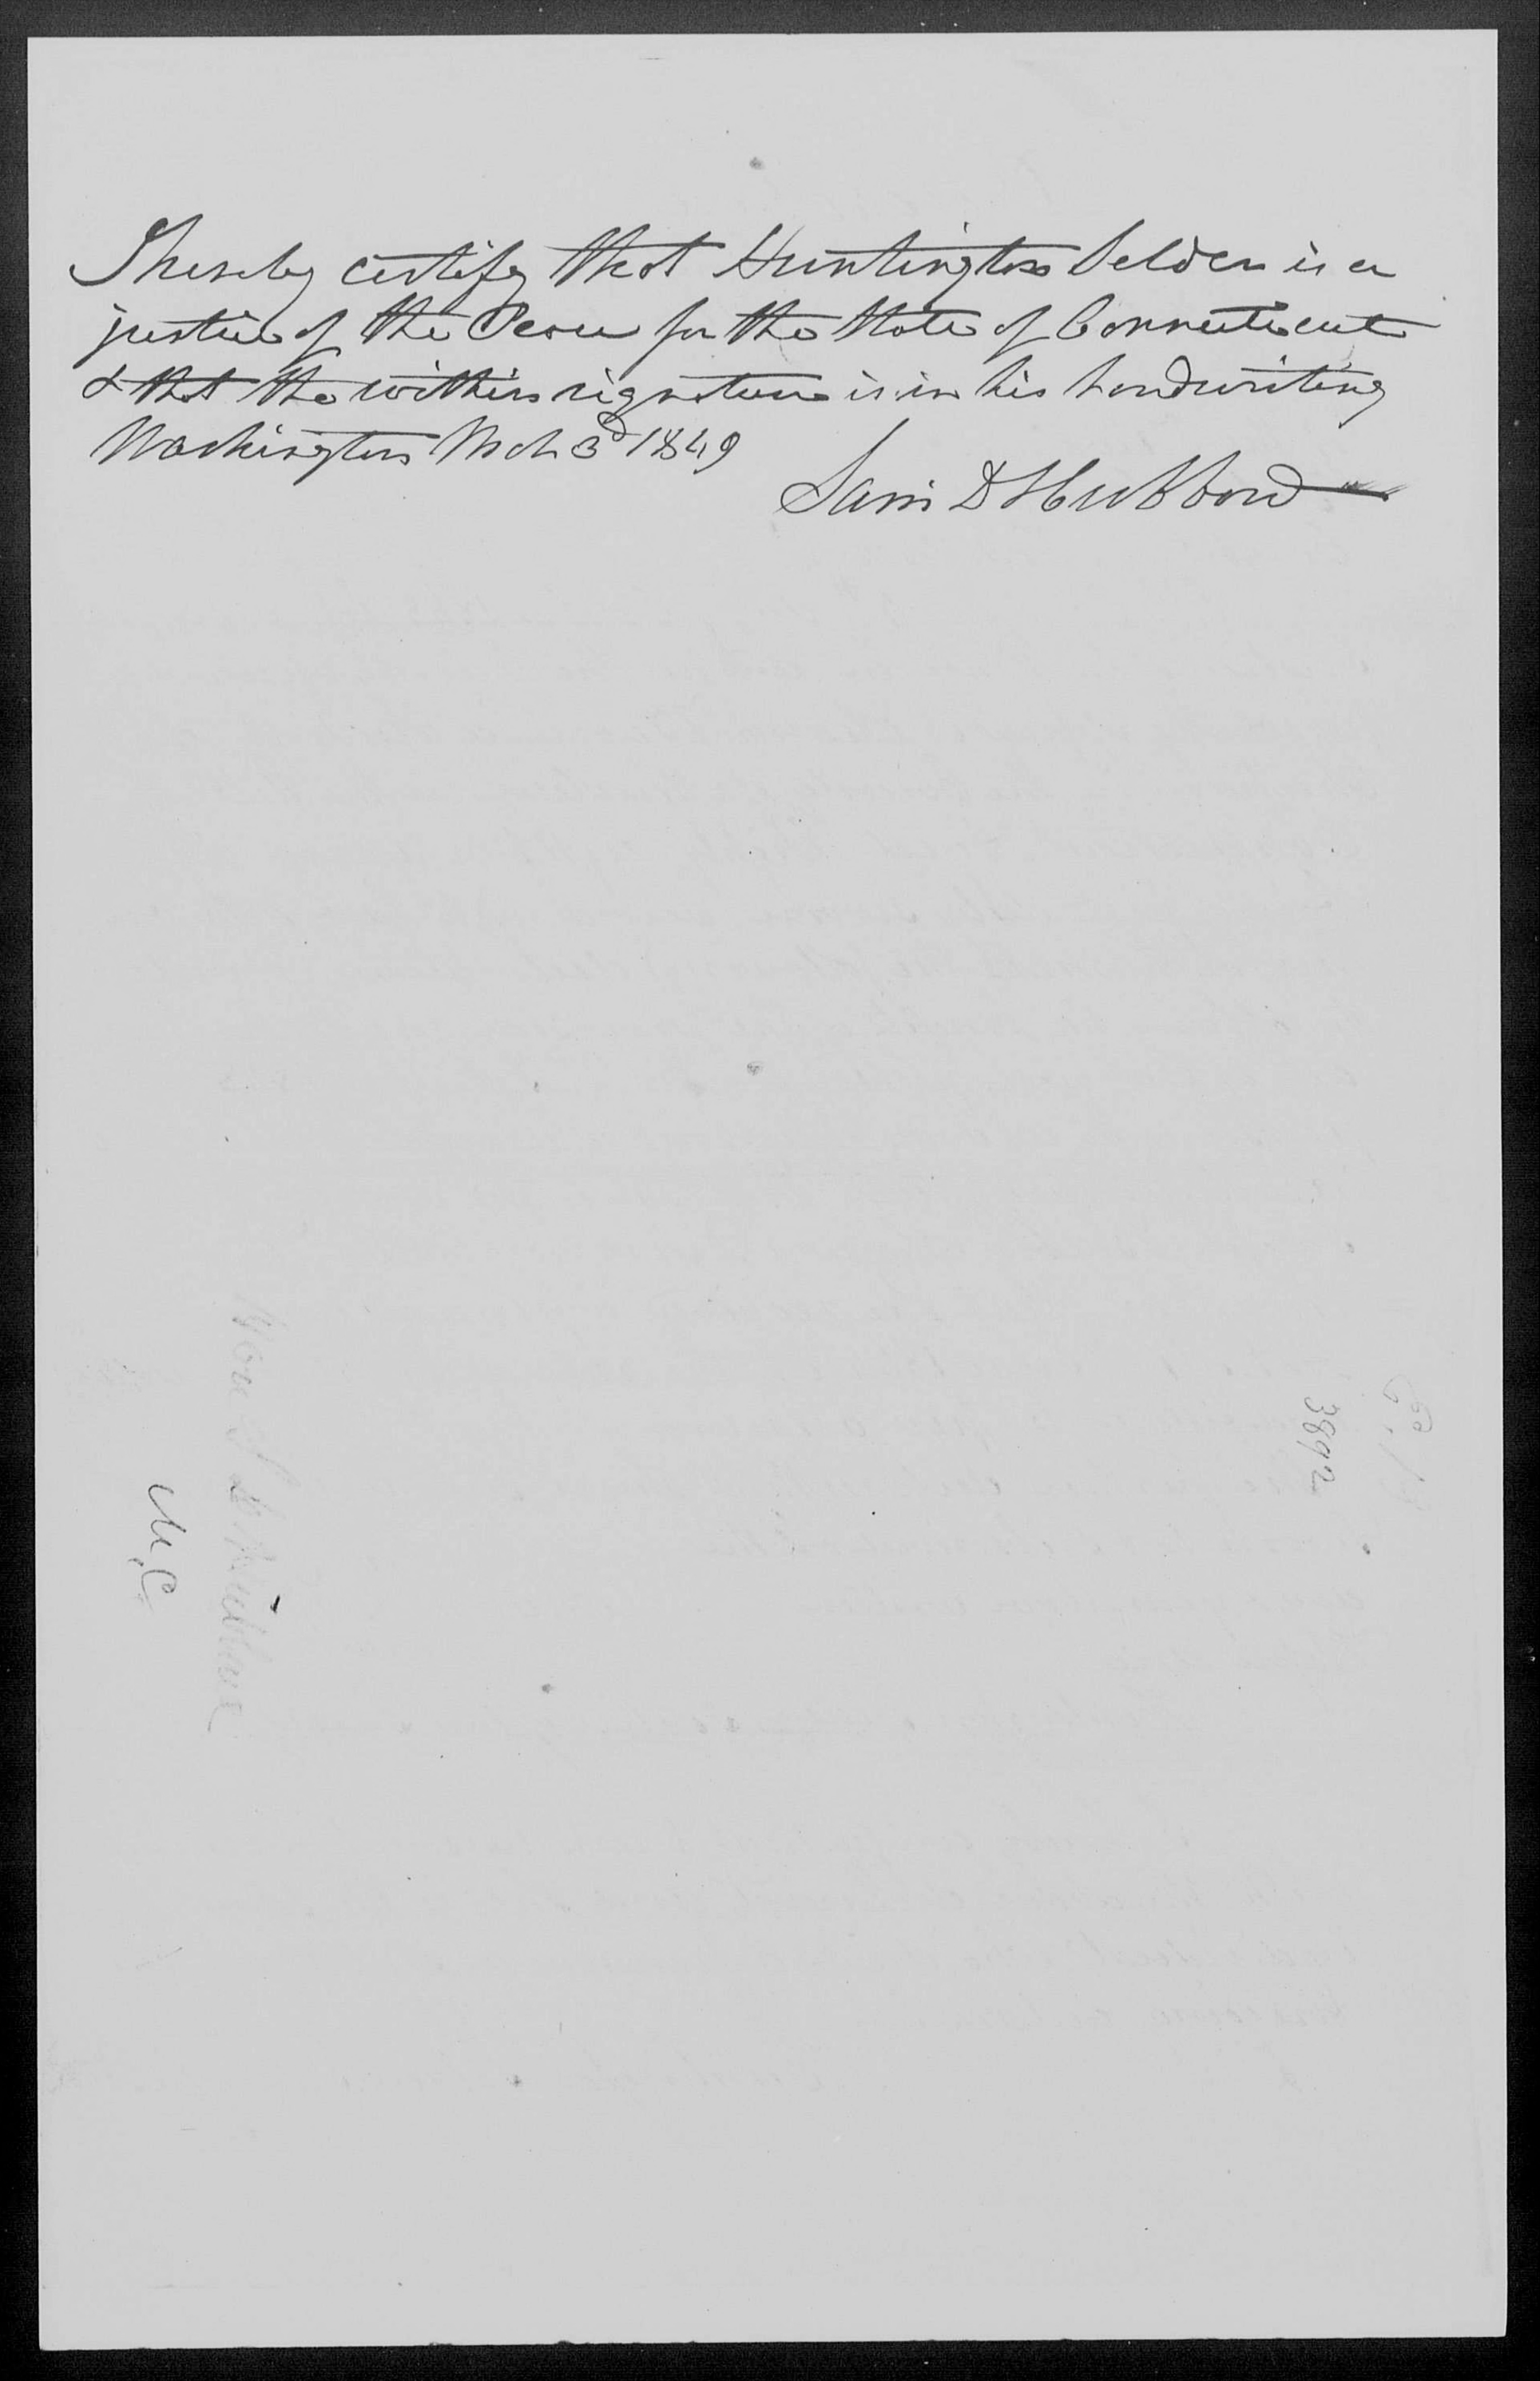Thereby certify that Huntinton Selden is a Justice of the Peace for the State of Connecticut & that the within signature is in his handwriting. 
Washington March 3rd, 1849
Samuel D. Hubbard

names: Sam D Hubbard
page: 18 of 24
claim: widow's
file: W. 25190, Joseph Bacon, Continental (Conn)